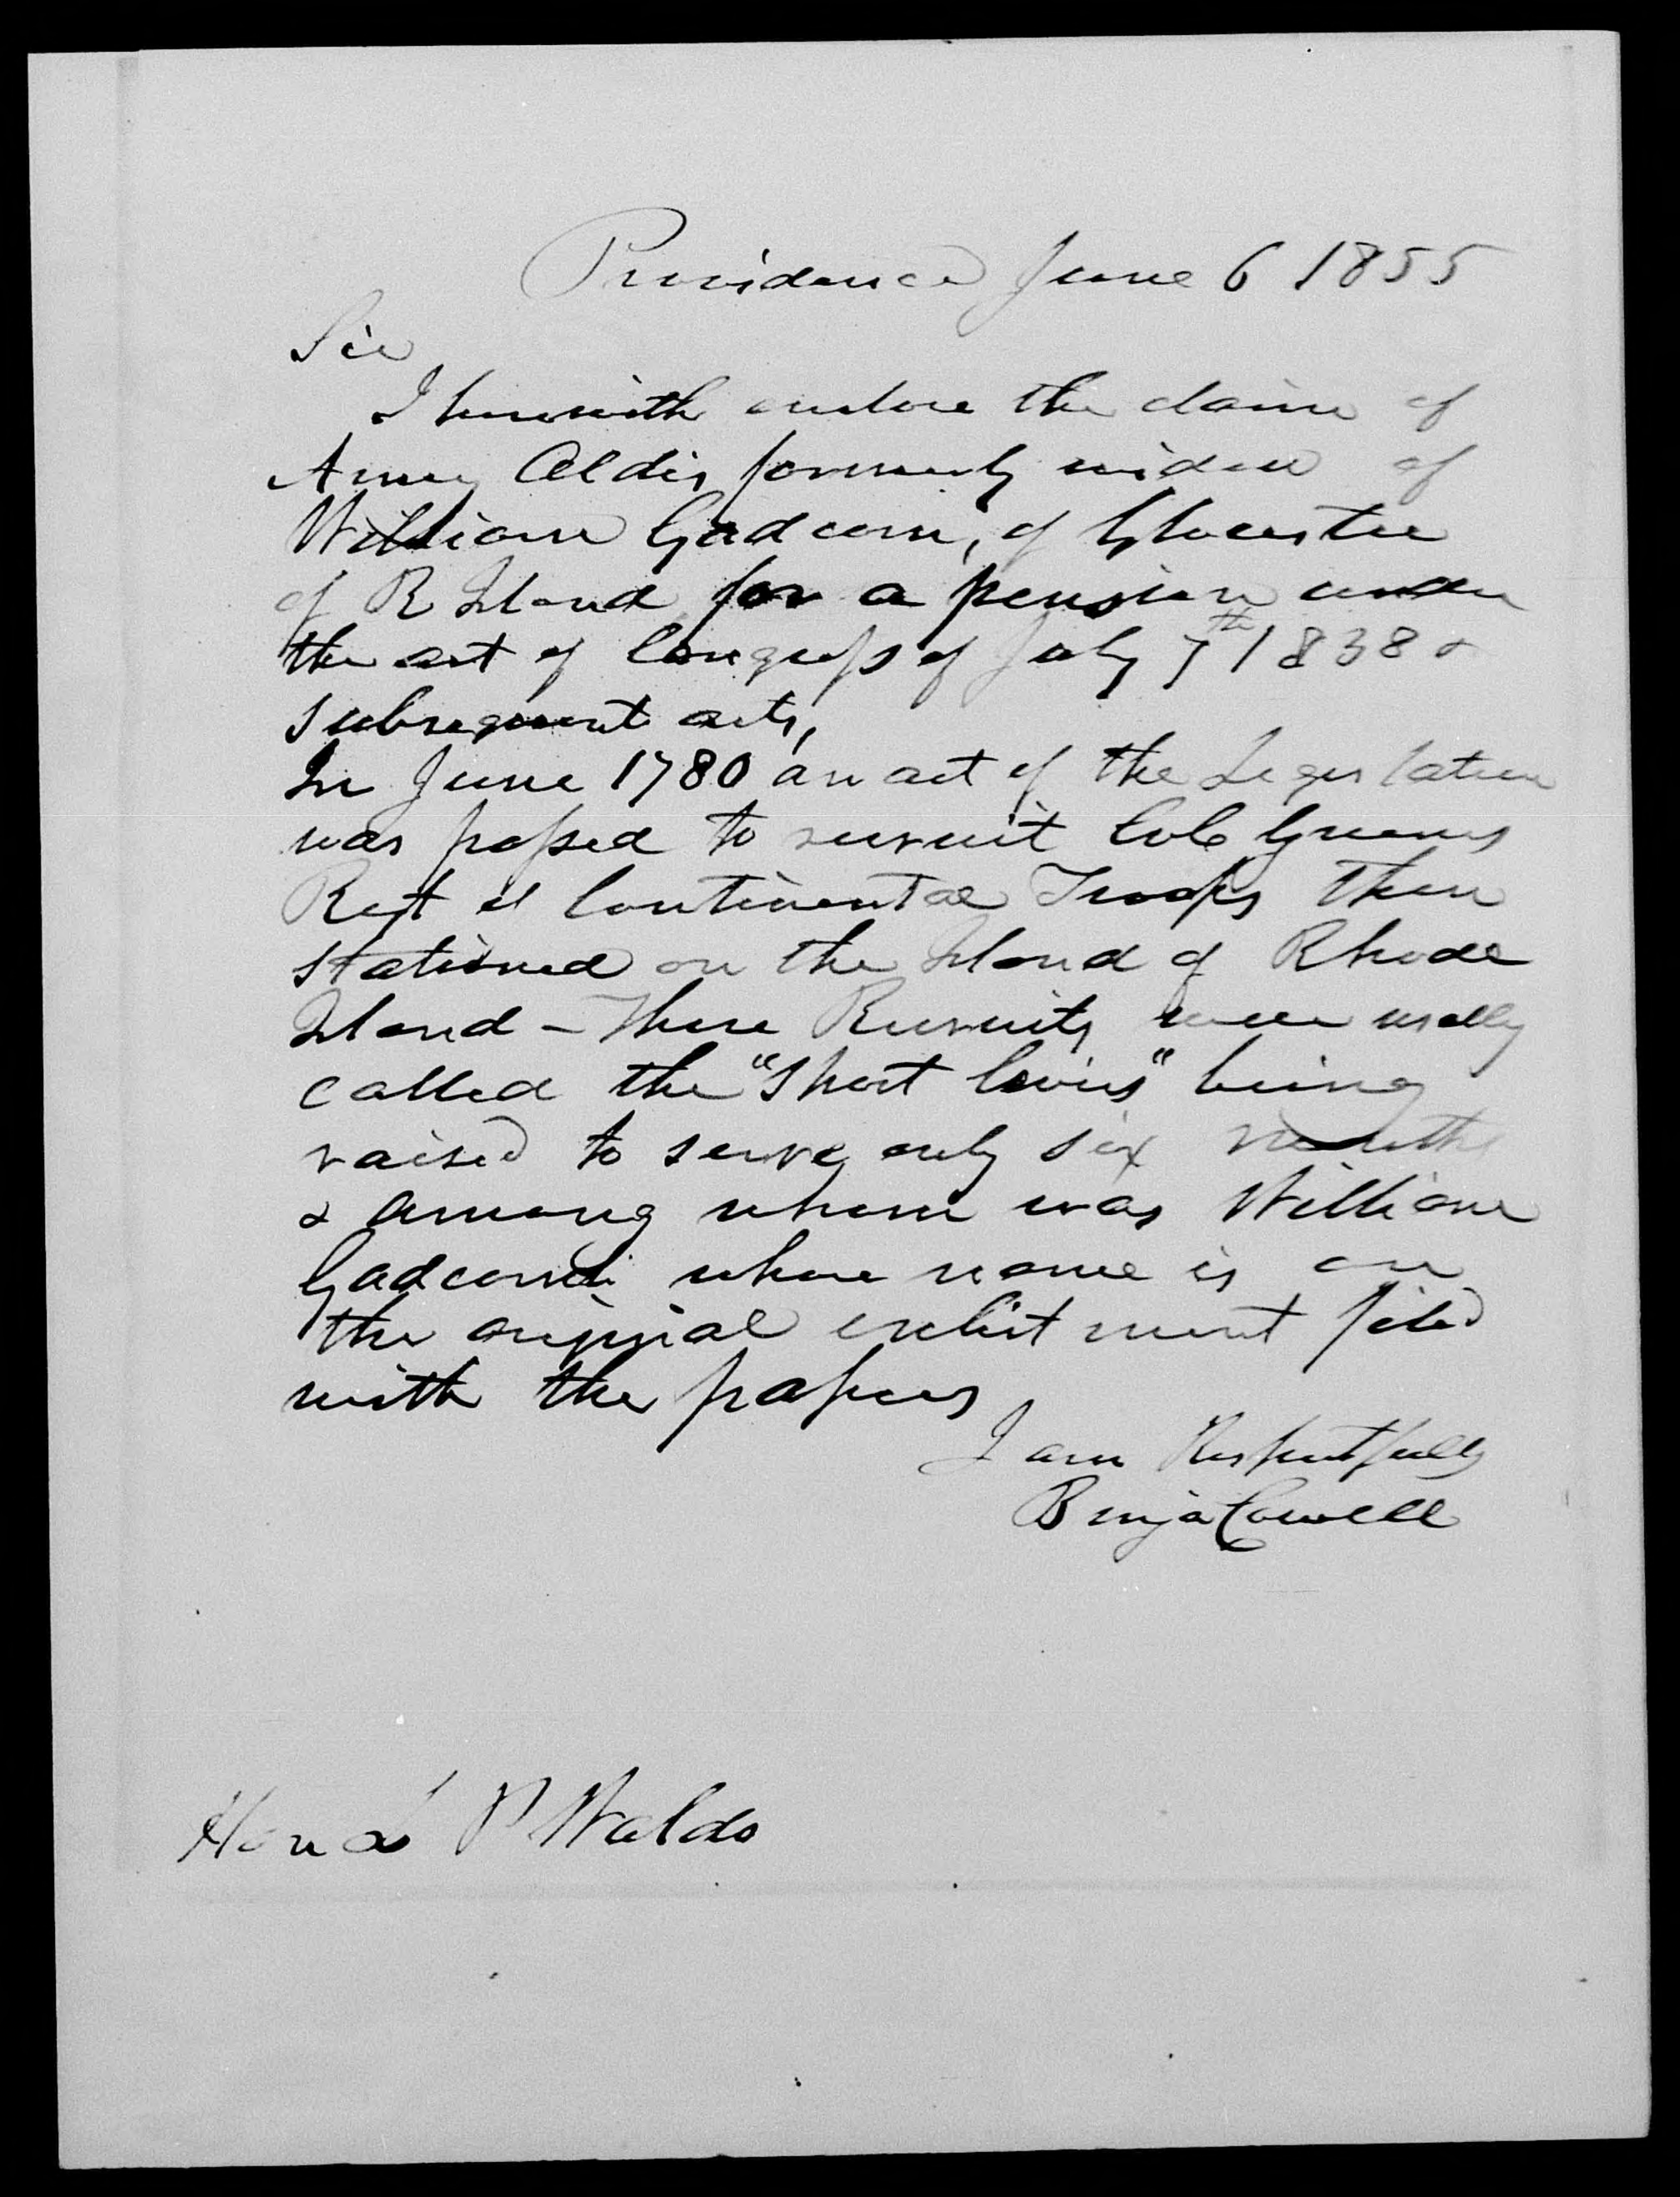Providence June 6 1855 
Sir I herewith enclose the claim of Amey Aldis formerly widow of William Gadcom, of Glocester of R. Island for a pension under the act of Congress of July 7th 1838 & subsequent acts. In June 1780 an act of the Legislation was passed to recruit Col. Greaves Regt. of Continental Troops then stationed on the Island of Rhode Island. These Recruits were usually called the "short [illegible]" being raised to serve only six months & among whom was William Gadcomb whose name is on the original enlistment filed with the papers. I am Respectfully Benj Cowell 
Hon. L. P. Waldo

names: Benja Cowell, Amey Aldis, L P Waldo, William Gadcomb, William Gadcom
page: 32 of 76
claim: widow's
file: W. 15,517, William Gadcomb, R.I.